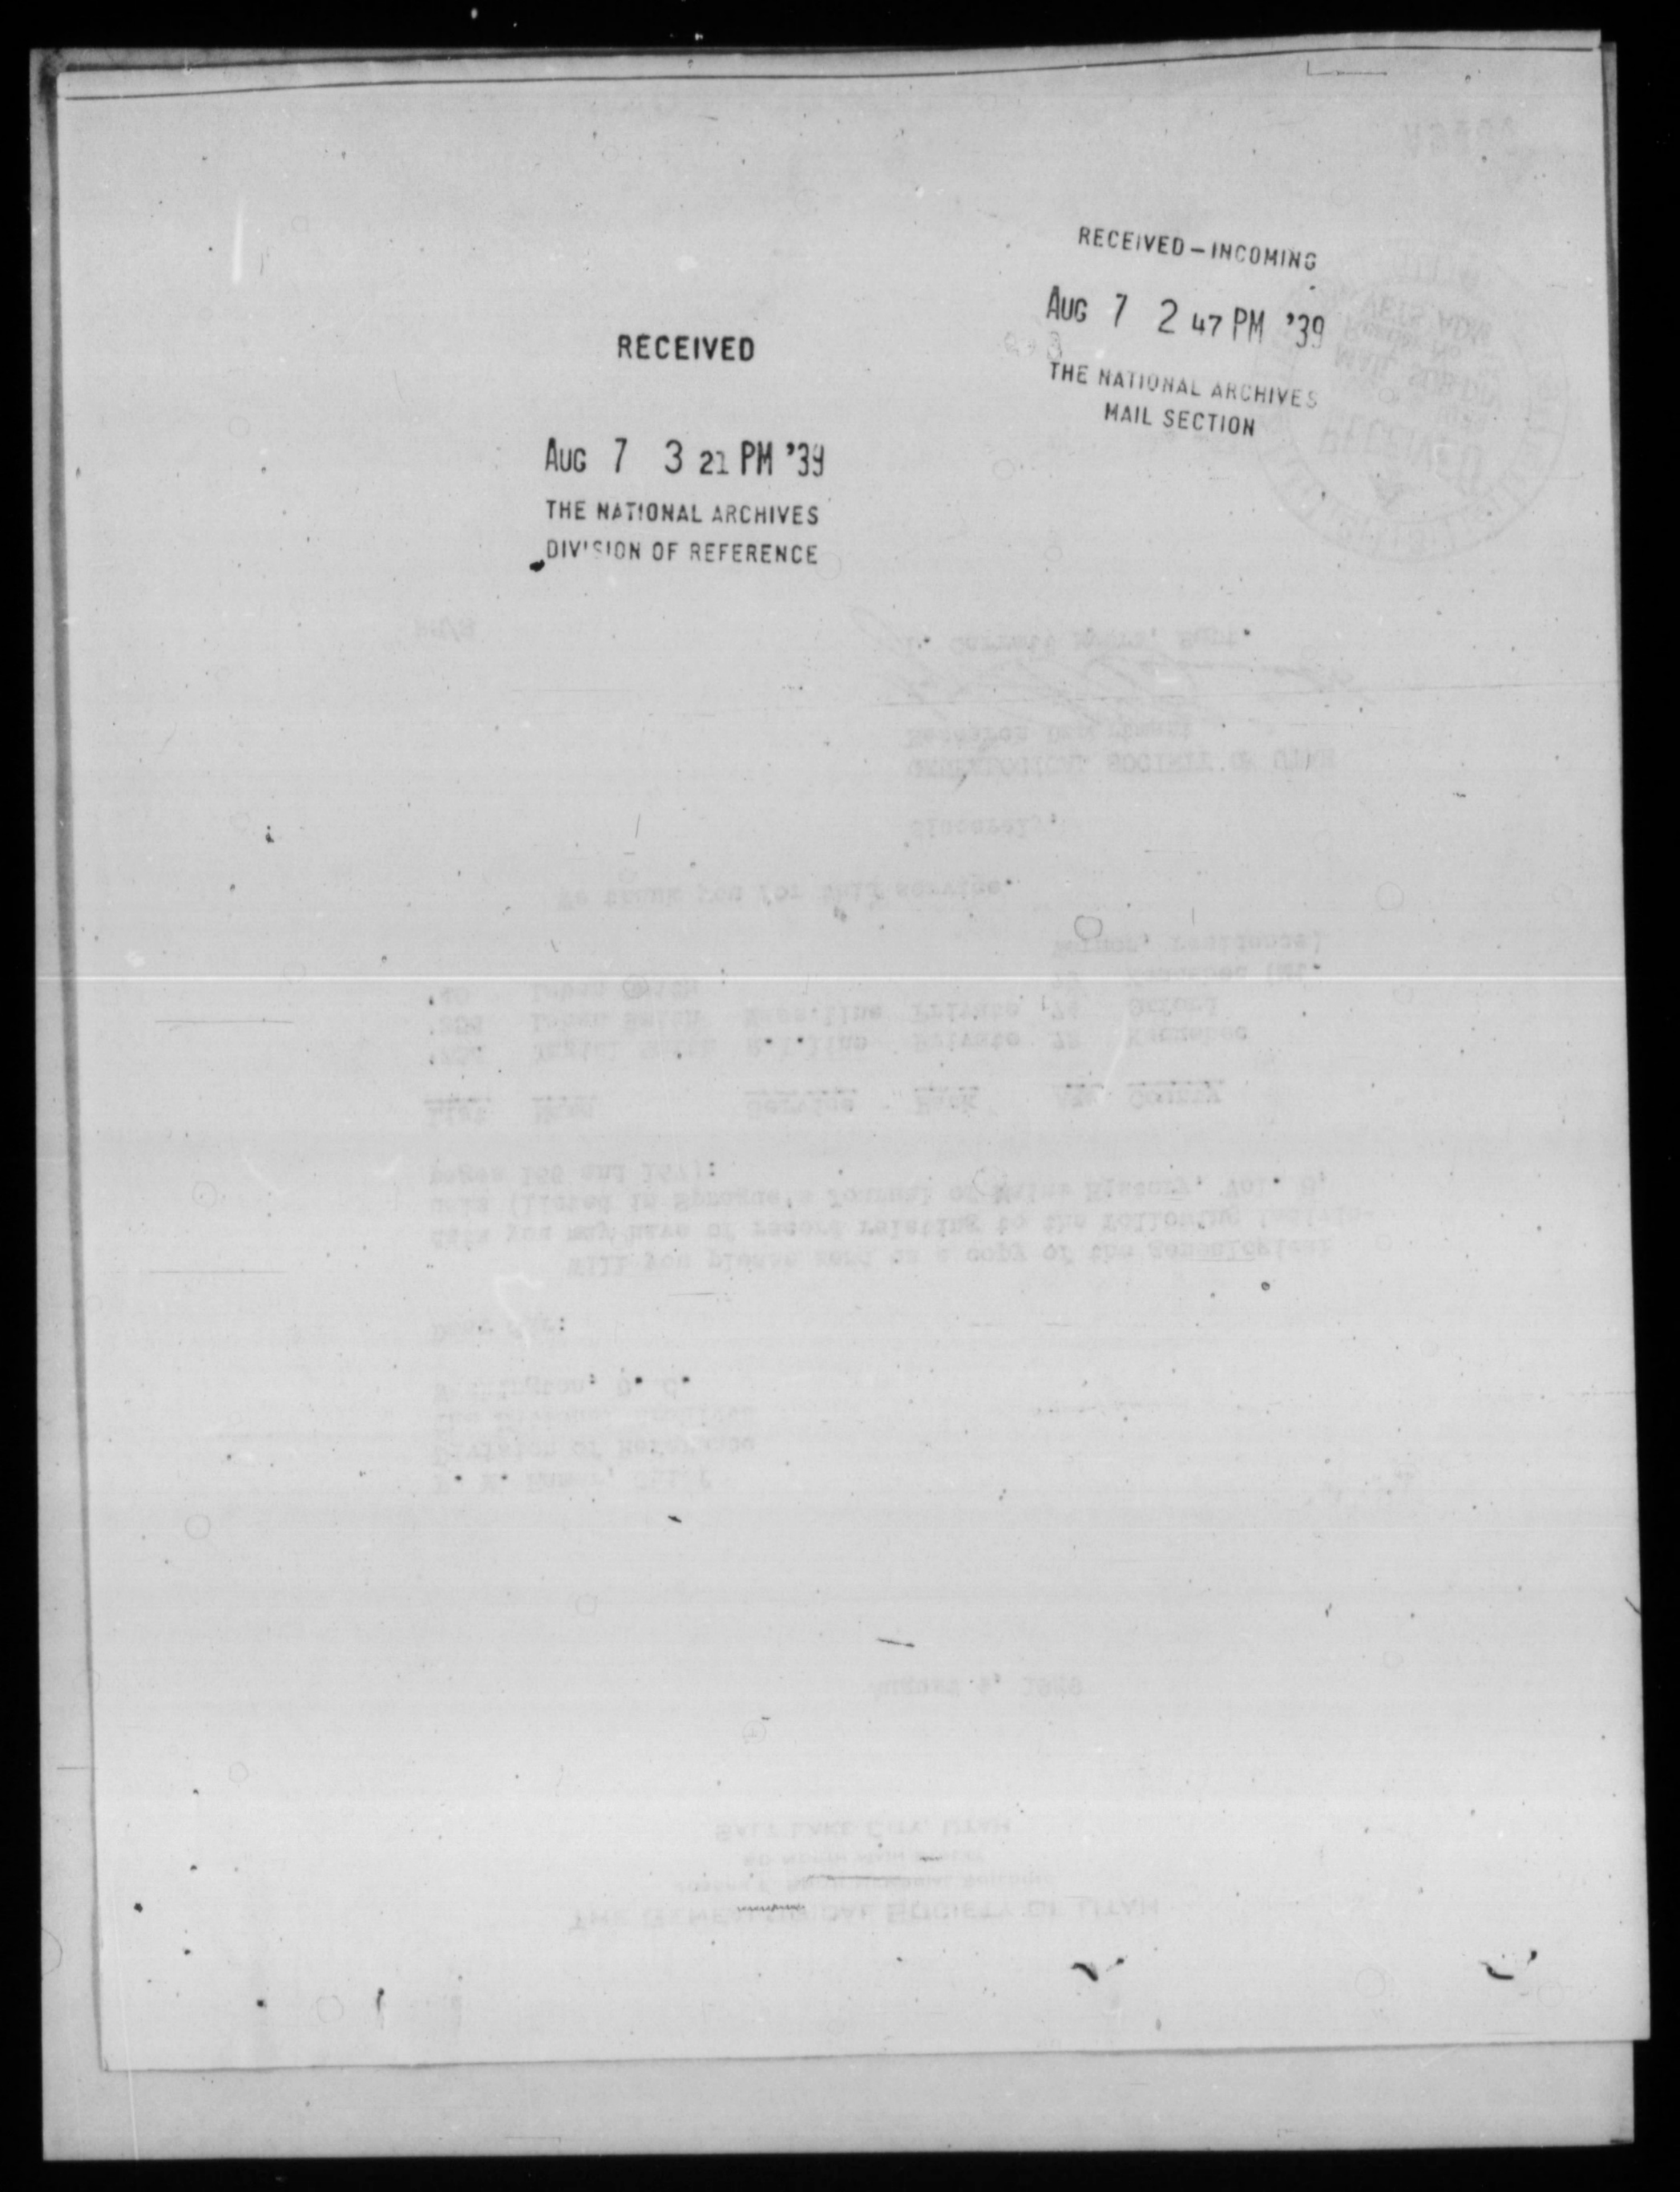RECEIVED
Aug 7 3 21 PM'39
THE NATIONAL ARCHIVES
DIVISION OF REFERENCE

RECEIVED-INCOMING
AUG 7 2 47 PM '39
THE NATIONAL ARCHIVES
MAIL SECTION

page: 20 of 20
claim: widow's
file: W 2362, for Jasiel Smith, Massachusetts